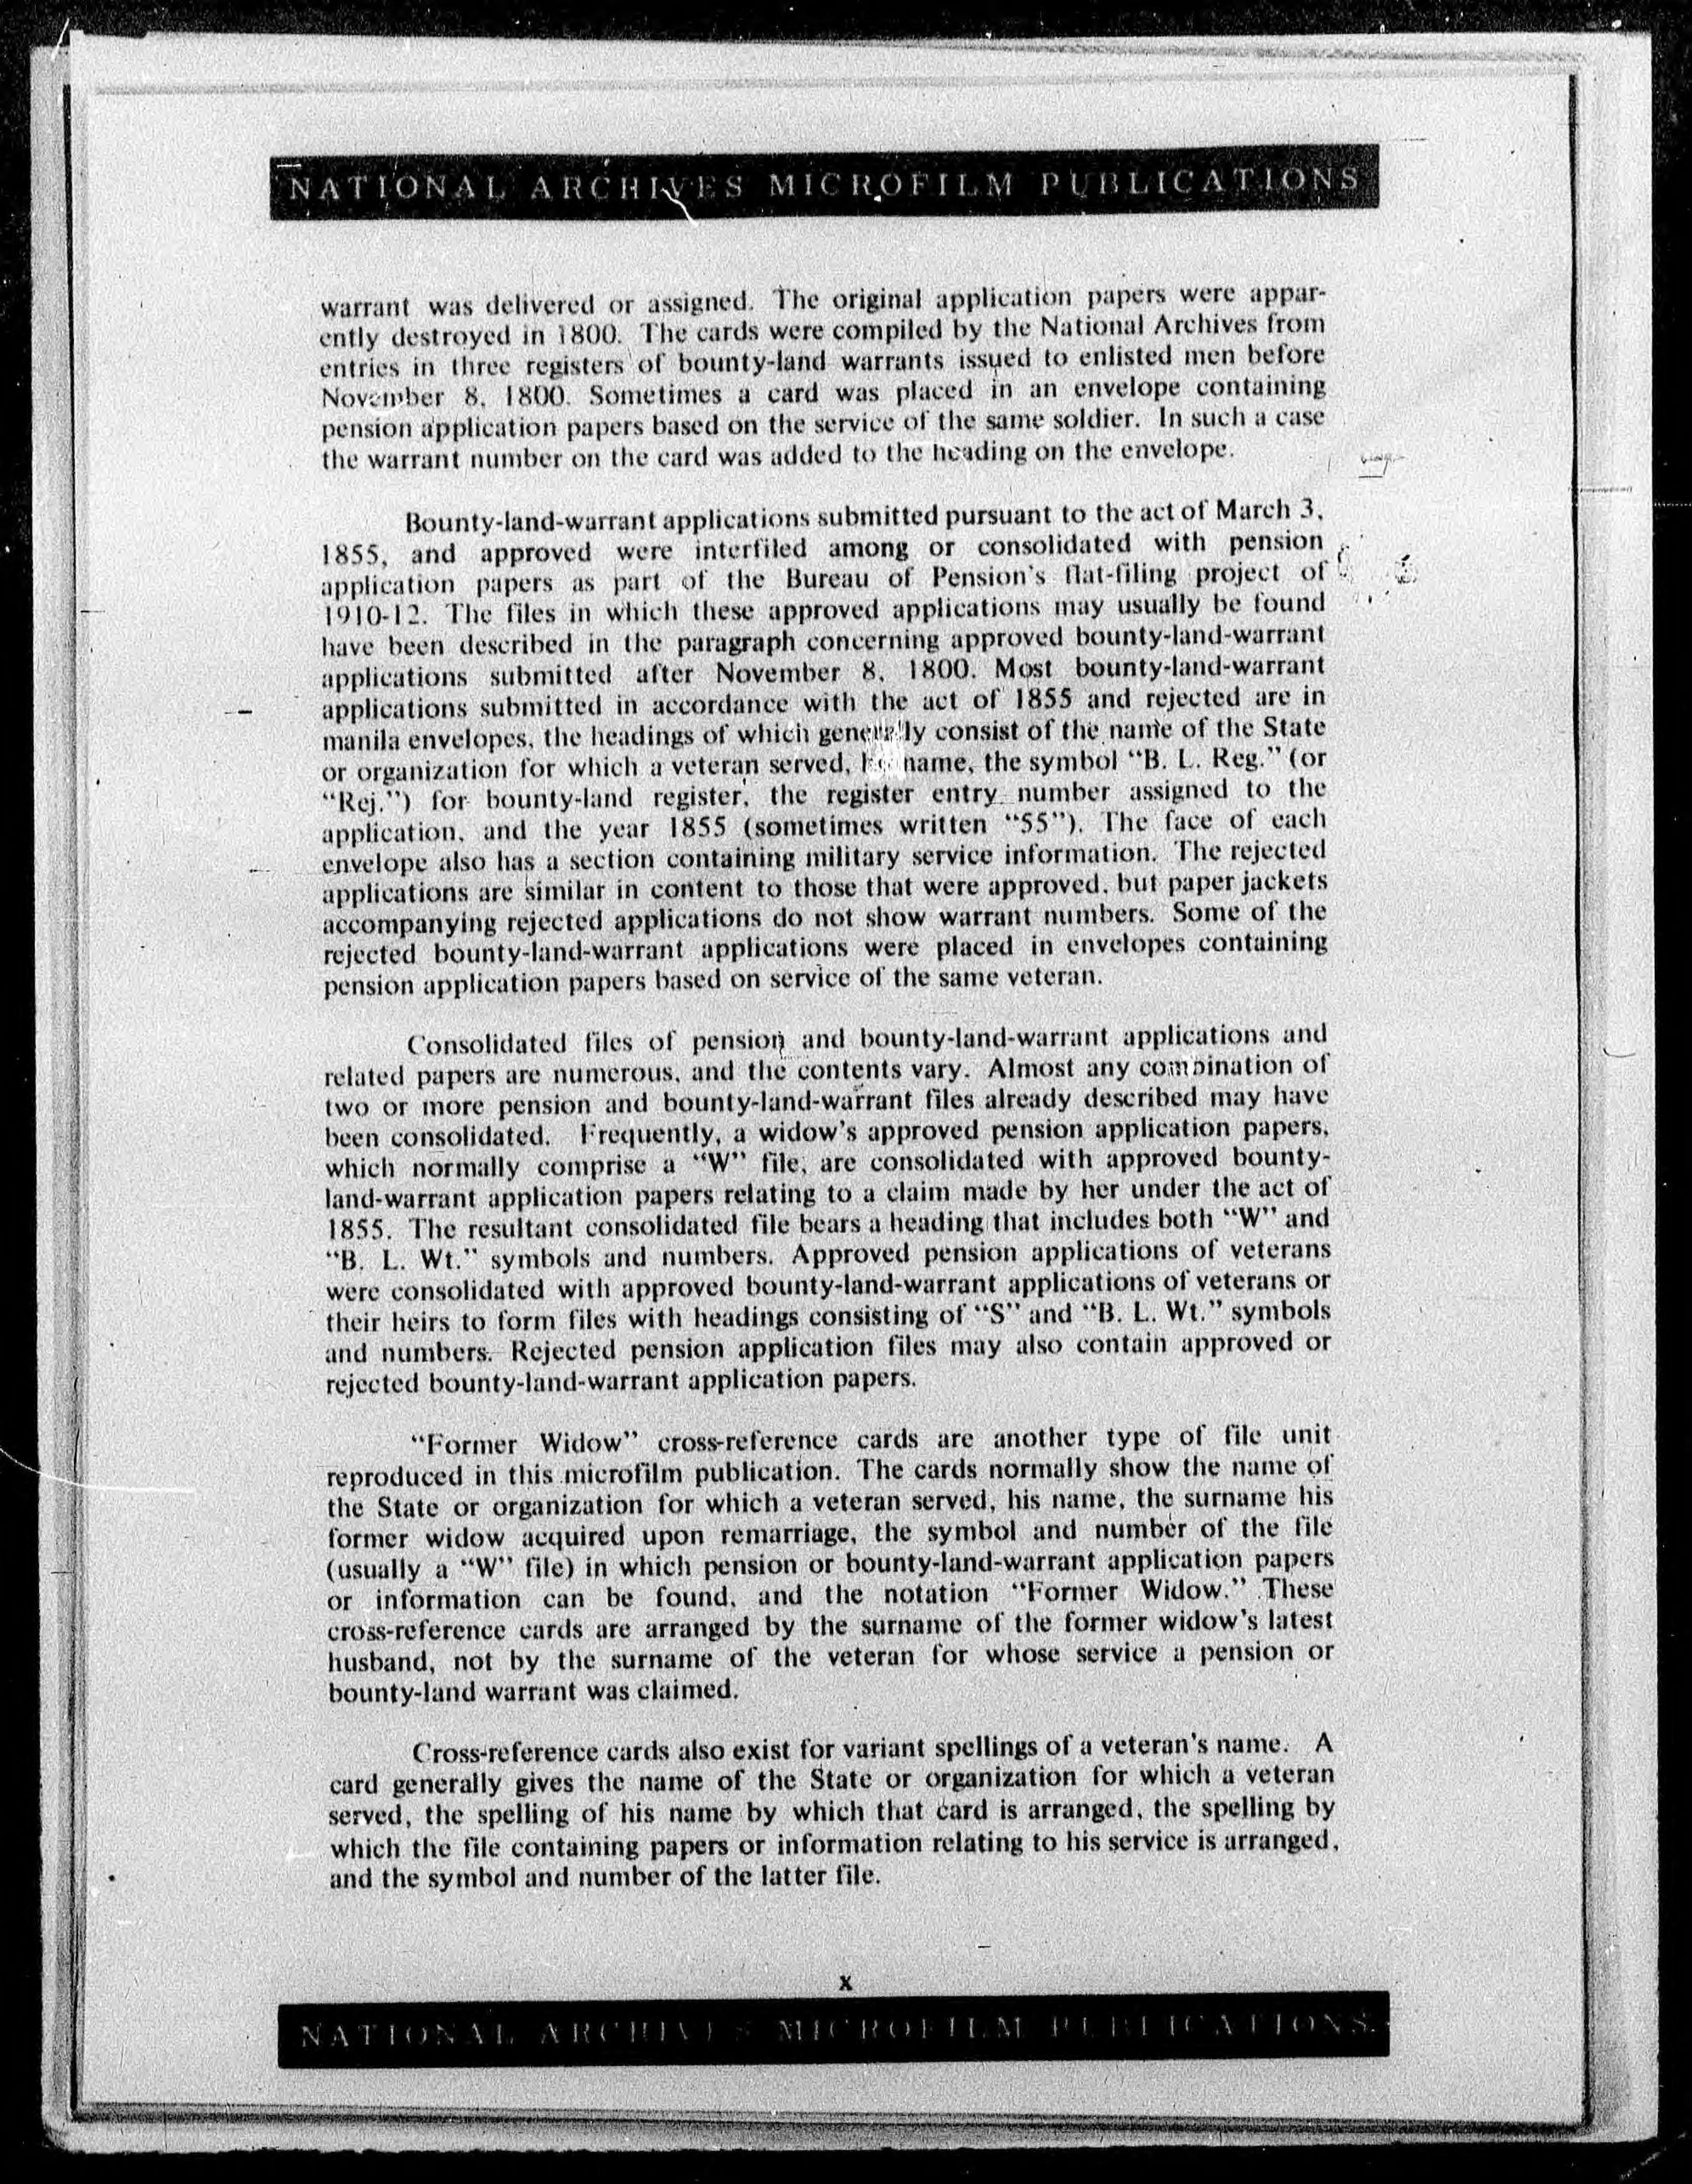warrant was delivered or assigned. The original application papers were apparently destroyed in 1800. The cards were compiled by the National Archived from entries in three registers of a bounty-land warrants issued to enlisted men containing pension application papers based on the service of the same soldier. In such a case the warrant number on the card was added to the heading on the envelope.
Bounty-land-warrant applications submitted pursuant to the act of March 3, 1855, and approved were interfiles among or consolidated with pension application papers as part of the Bureau of Pension's flat-filing project of 1910-12. The files in which these approved applications may usually be found have been described in the paragraph concerning approved bounty-land-warrant applications submitted after November 8, 1800. Most bounty-land-warrant applications submitted in accordance with the act of 1855 and rejected are in manila envelopes for which a veteran served, his name, the symbol "B. L. Reg."(or "Rej.") for bounty-land register, the register entry number assigned to the application, and the year 1855 (sometimes written "55"). The face of each envelope also has a selection containing military service information. The rejected applications are similar in content to those that were approved, but paper jackets accompanying rejected applications do not show warrant numbers. Some of the rejected bounty-land-warrant applications were placed in envelopes containing pension application papers based on service of the same veterans.
Consolidated files of pension and bounty-land-warrant applications and related papers are numerous and the contents vary. Almost any combination of two or more pension and bounty-land-warrant files already described may have been consolidated. Frequently a widow's approved pension application papers, which normally comprise a "W" file, are consolidated with approved bounty-land-warrant application papers relating to a claim made by her under the act of 1855. The resultant consolidated file bears a heading that included both "W" and "B. L. Wt." symbols and numbers. Approved pension applications of veterans were consolidated with approved bounty-land-warrant applications of veterans or their heirs to form files with heading consisting of "S" and "B. L. Wt." symbols and numbers. Rejected pension application files may also contain approved or rejected bounty-land-warrant application papers.
"Former Widow" cross-reference cards are another type of file unit reproduced in this microfilm publication. The cards normally show the name of the State or organization for which a veteran served, his name, the surname his former widow acquired upon remarriage, the symbol and number of the file (usually a "W" file) in which pension or bounty-land-warrant application papers or information can be found, and the notation "Former Widow." These cross-reference cards are arranged by the surname of the former widow's latest husband, not by the surname of the veteran for whose service a pension or bounty-land warrant was claimed.
Cross-reference cards also exist for variant spelling of a veteran's name. A card generally gives the name of the State or organization for which a veteran served, the spelling of his name by which that card is arranged, the spelling by which the file containing papers or information relating to his service is arranged, and the symbol and number of the latter file.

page: 9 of 59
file: Revolutionary War Pension and Bounty Land Warrant Application File